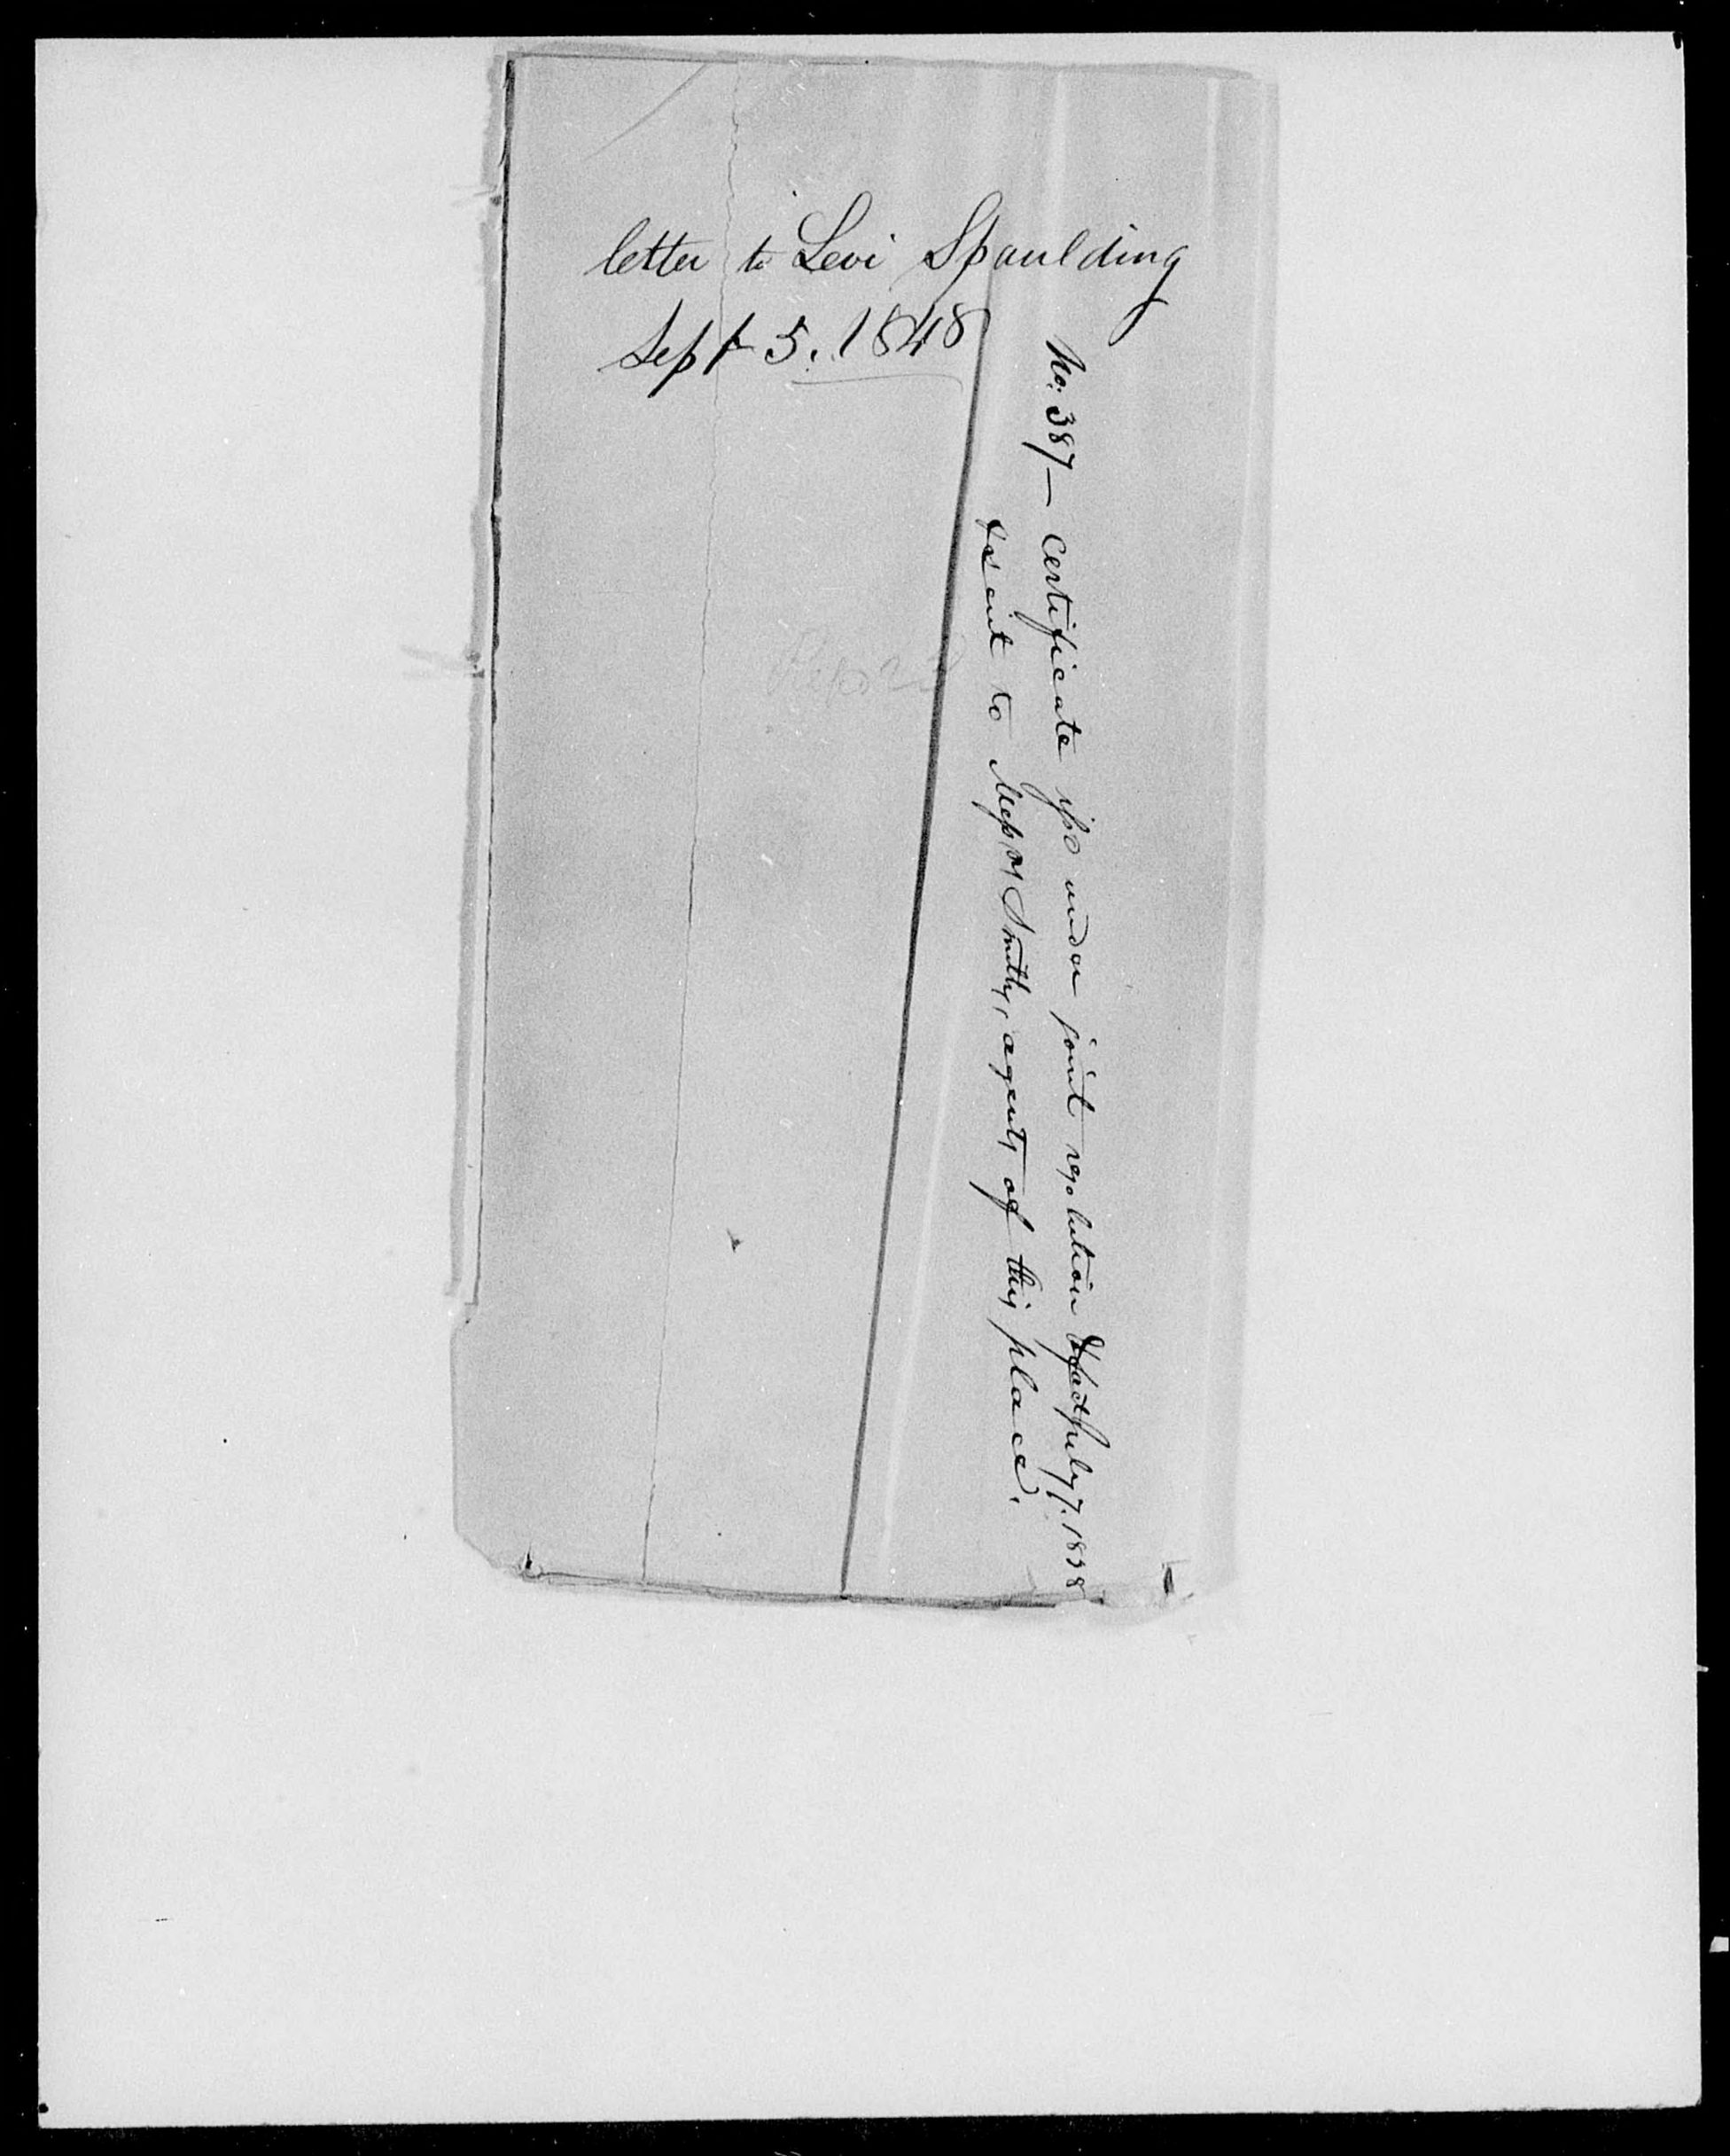letter to Levi Spaulding
Sept 5 1848

[written along right margin]
No. 387 - certificate info under joint regulation [scratched out word] July 7 1848
sent to Messr Smith, agents of this place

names: Smith, Levi Spaulding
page: 23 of 61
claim: widow's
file: W. 19500, Samuel Thing Gilman, Continental N.H.